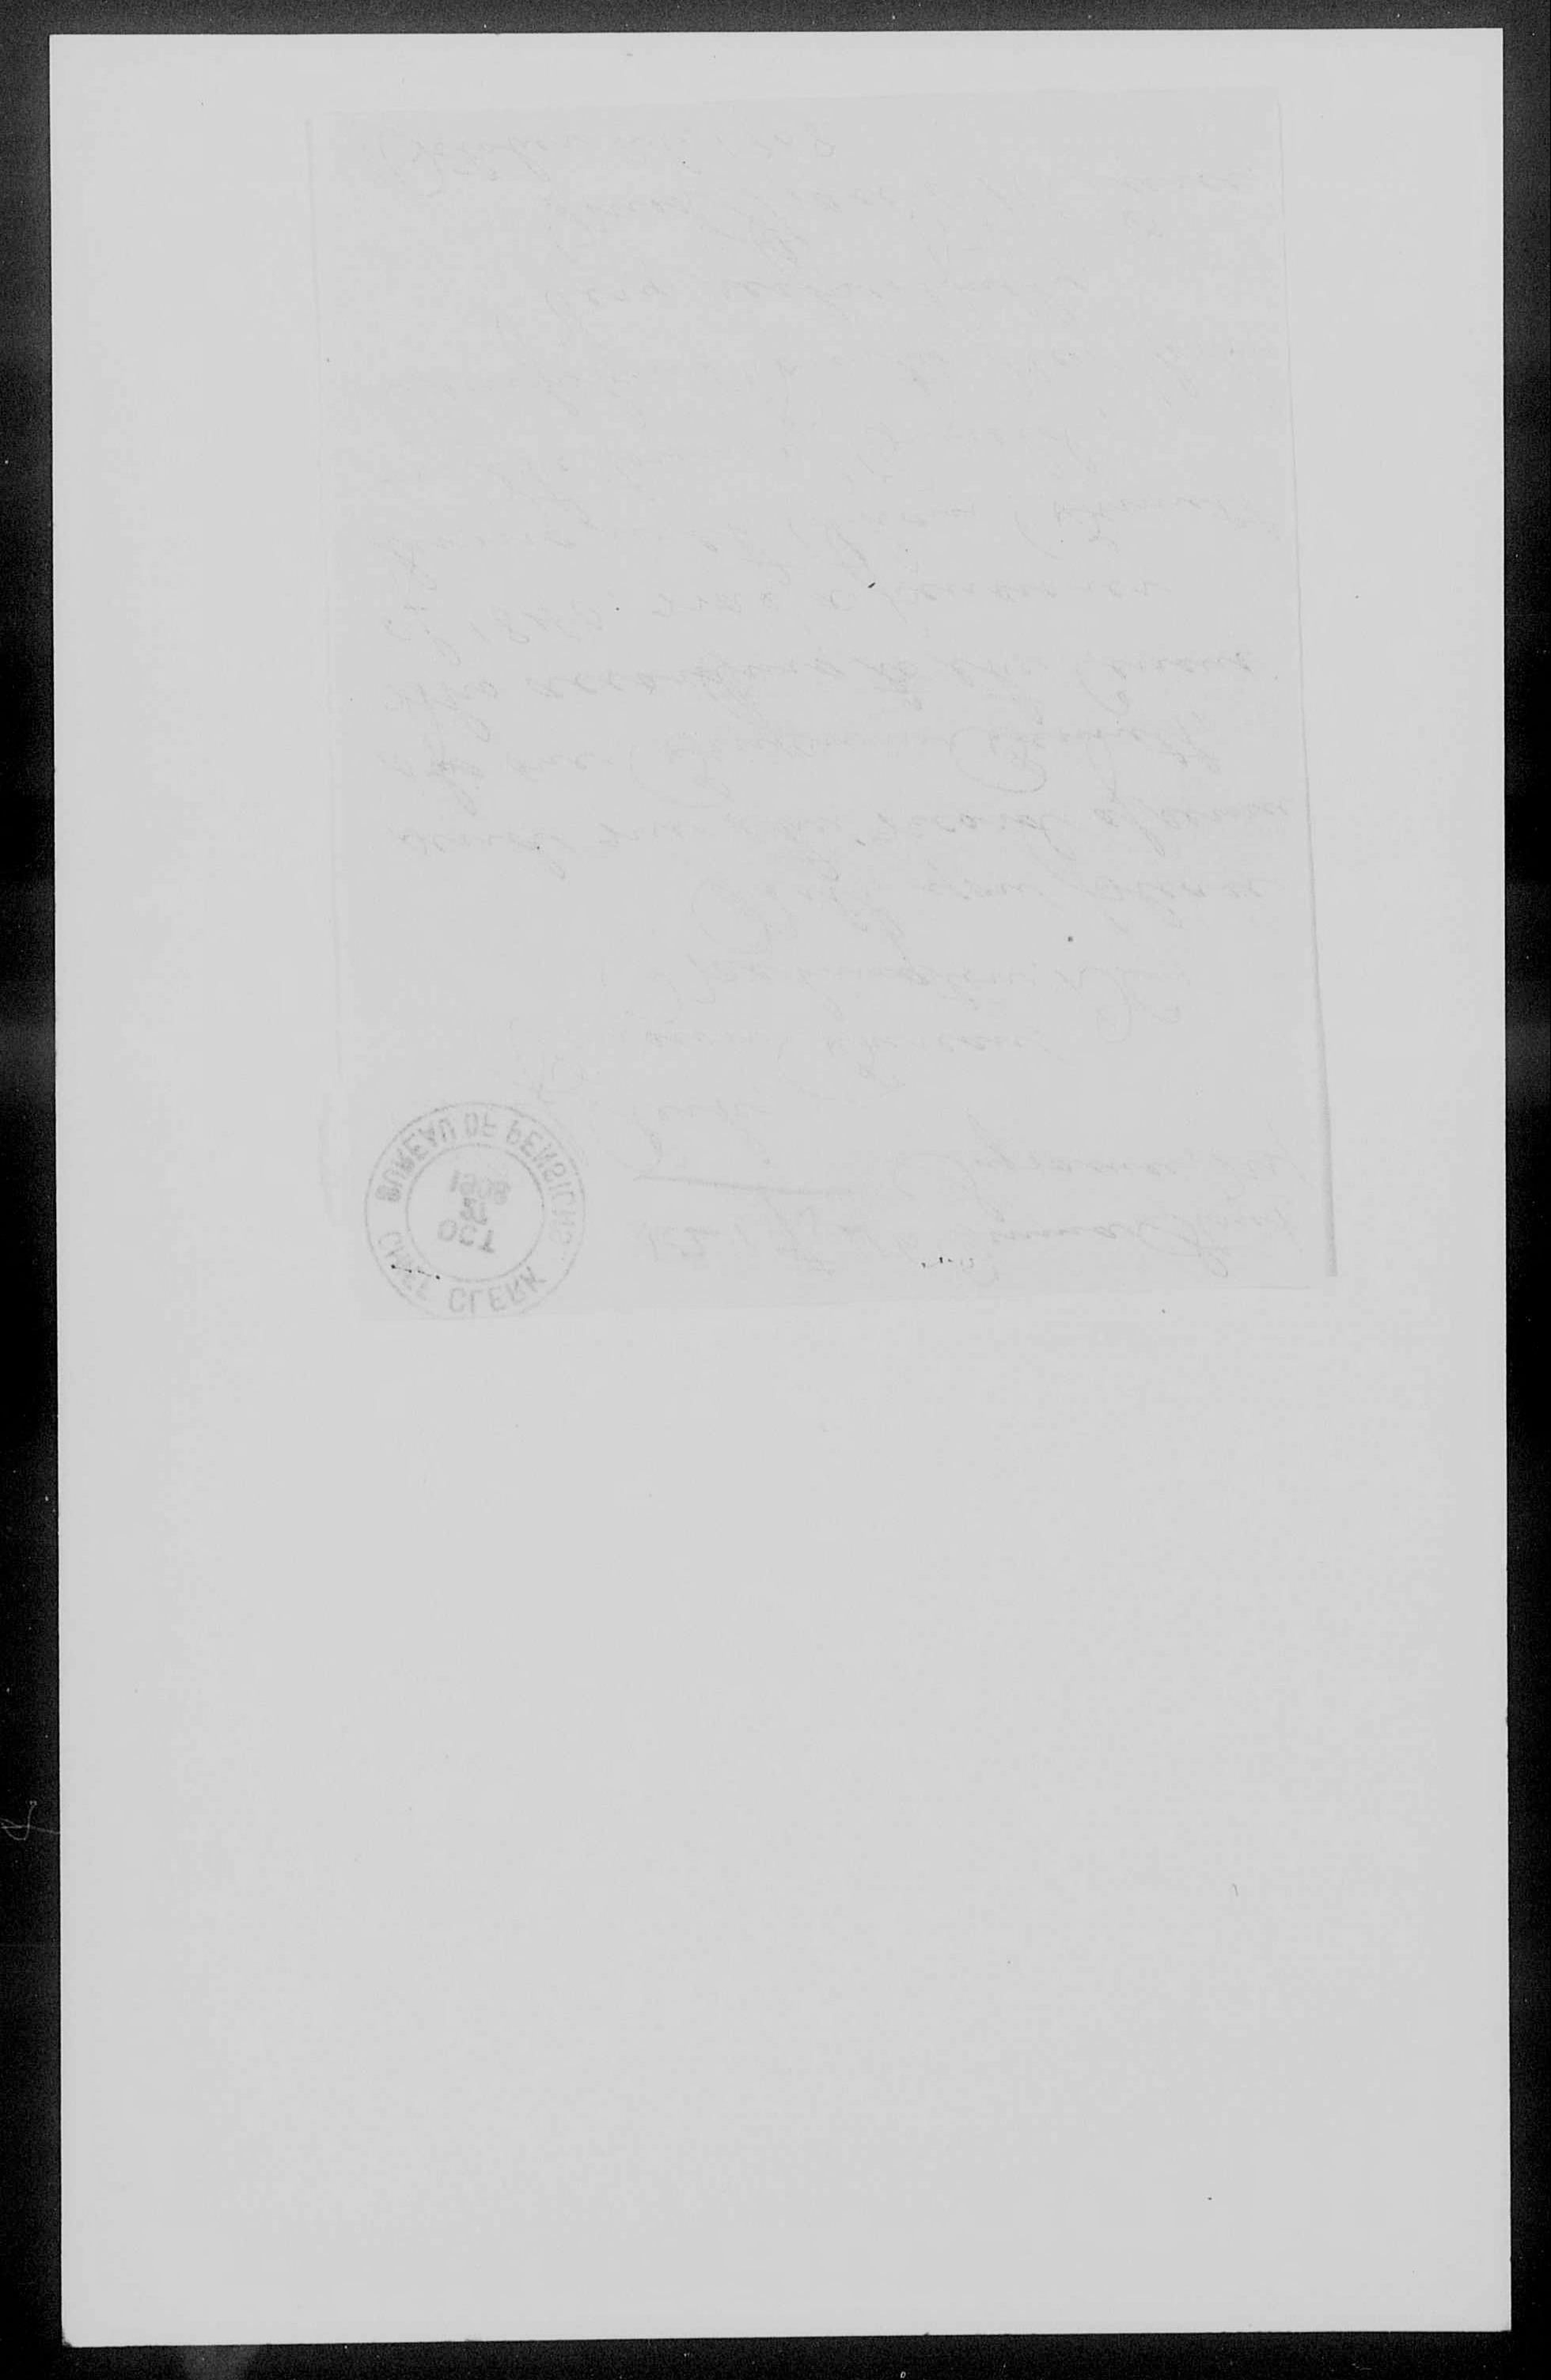[round office stamp in center of page is reversed "soaked through" of office stamp on next page, page 16]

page: 15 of 16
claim: survivor's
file: S. 12175, Benjamin Bennett, Penn.